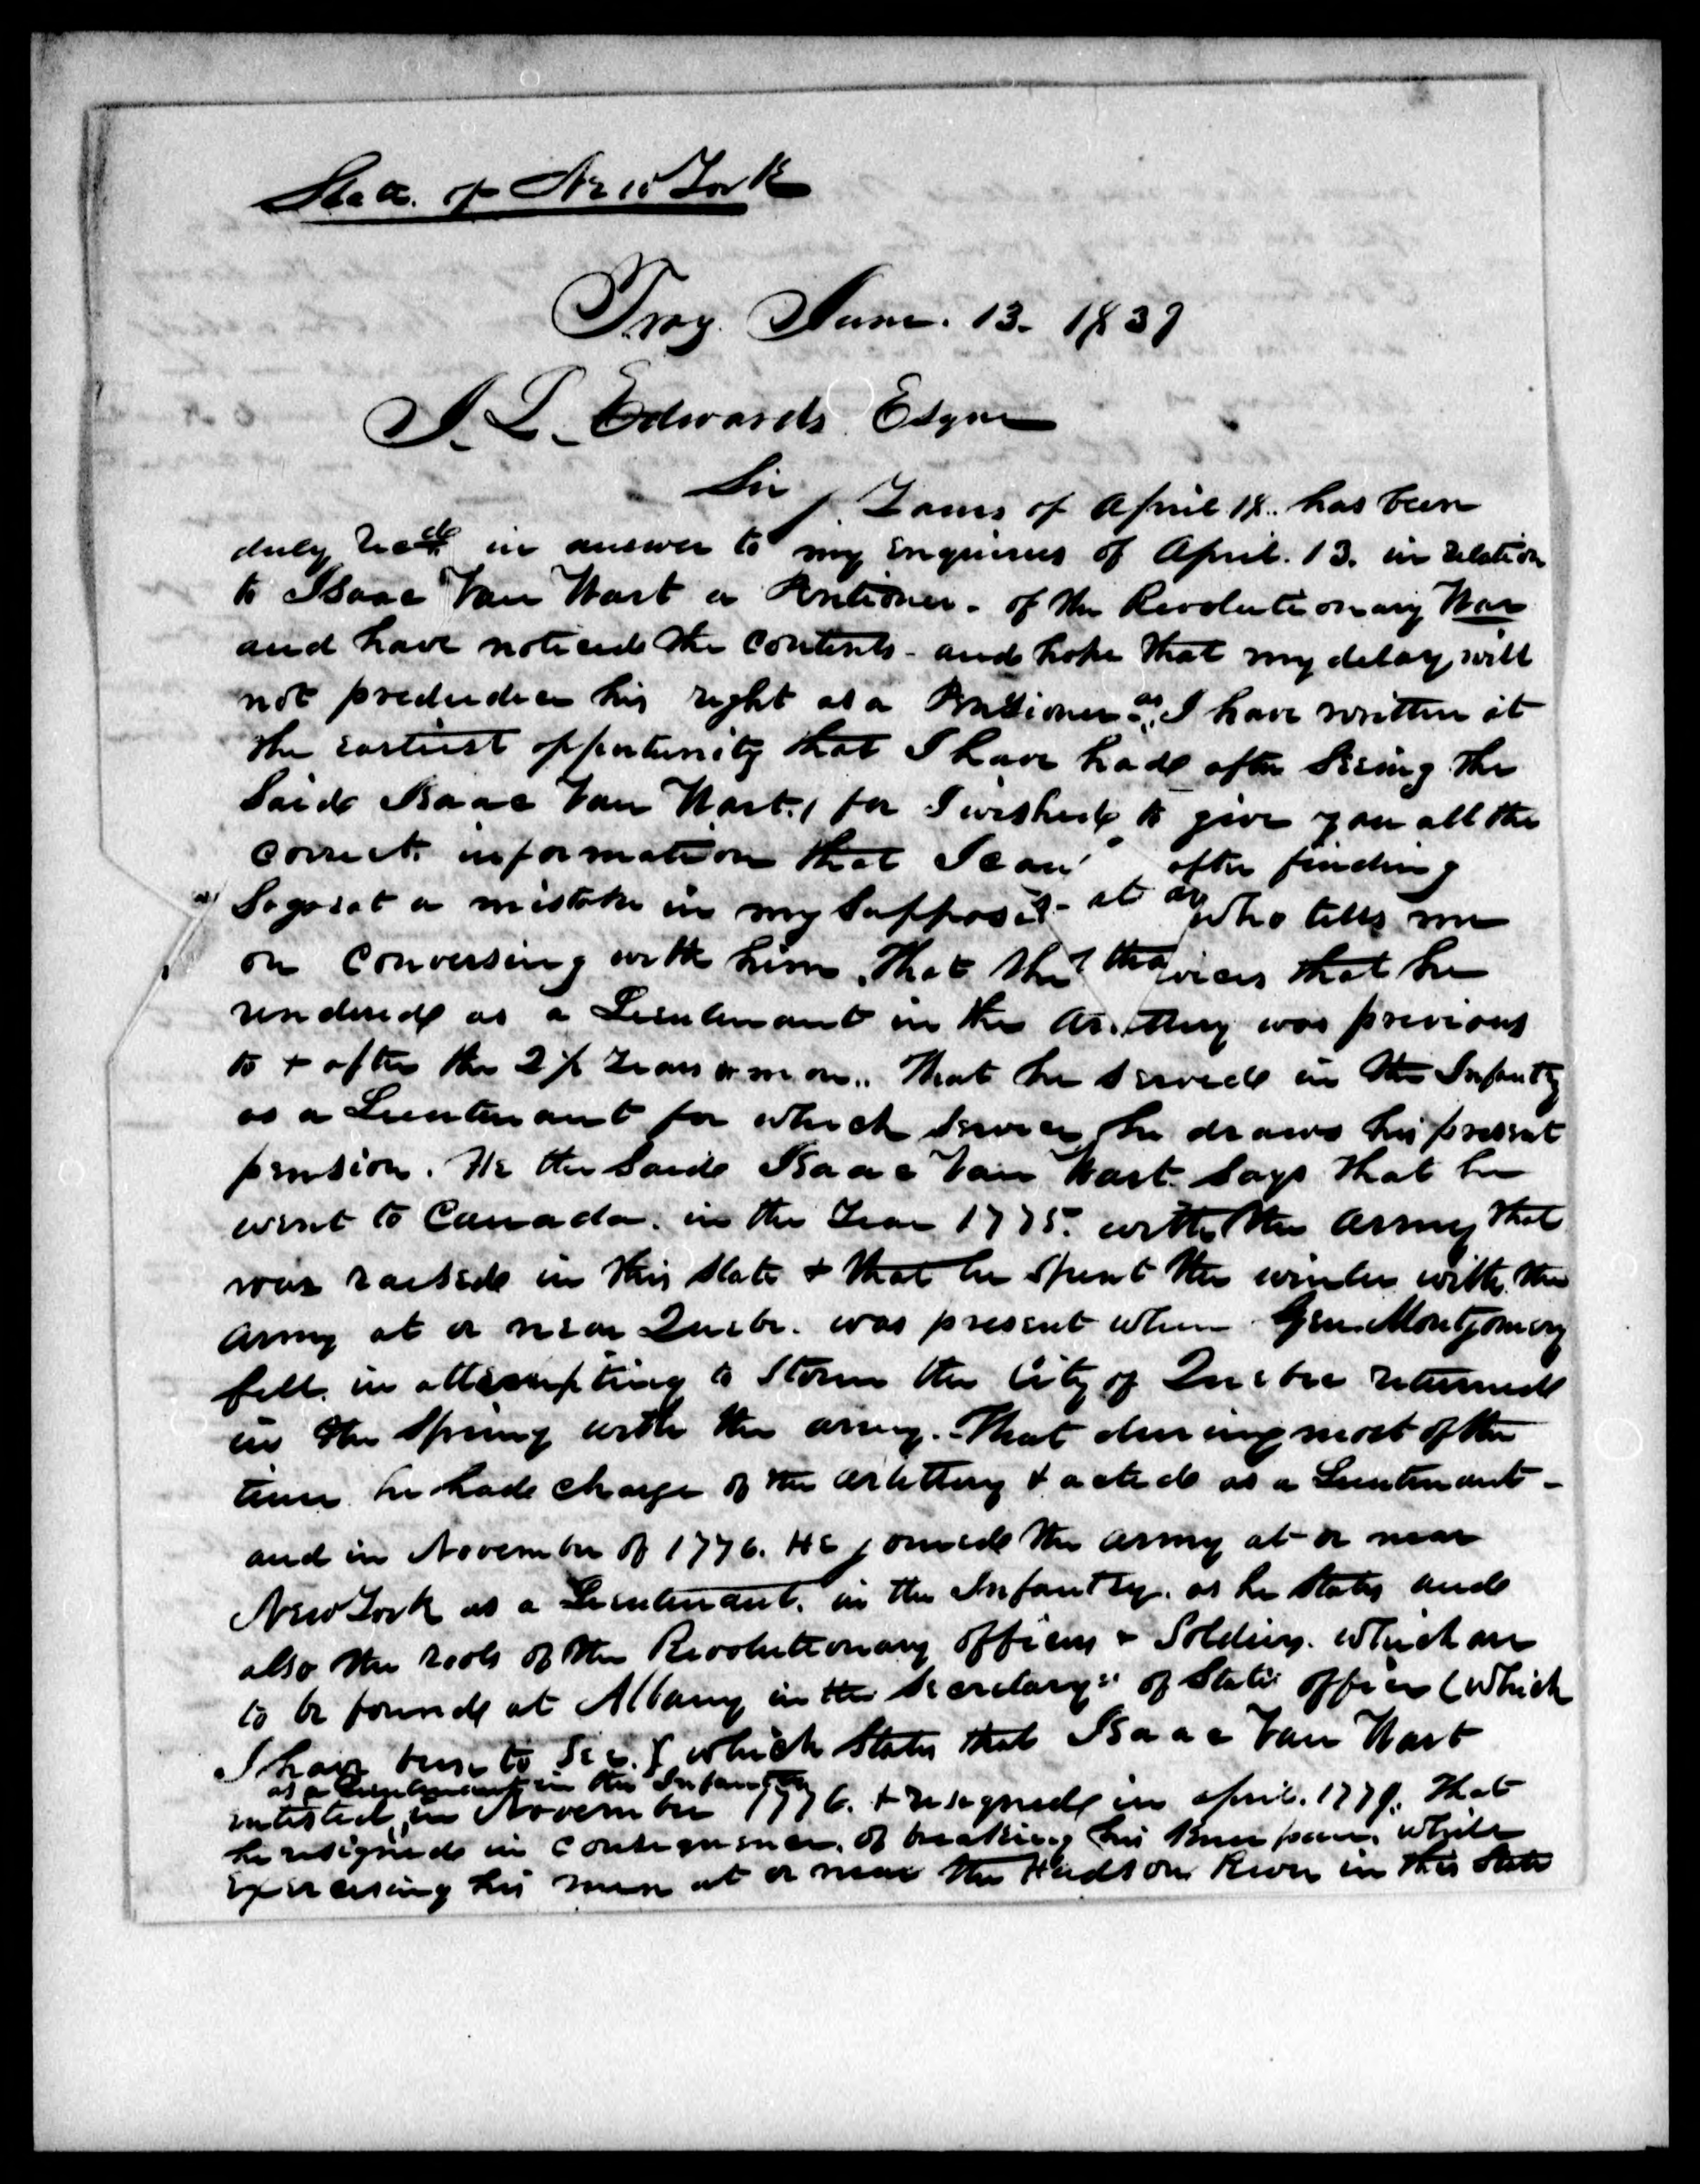State of New York 
Troy June 13. 1839 
J. L. Edwards Esquire 
Sir,
Yours of April 18 has been duly recd in answer to my enquiries of April 13. in relation to Isaac Van Wart a pentioner of the Revolutionary War and have noticed the contents and hope that my delay will not prejudice his right as a Pensioner as I have written it the earliest opportunity that I have had after seeing the said Isaac Van Wart, for I wished to give you all the correct information that can after finding So great aa mistake in my suppose [illegible, piece cut out] who tells me on conversing with him that she [missing piece] that he rendered as a Lieutenant in the Artillery was previous to & after the 2 1/2 years or more. That he served in the Infantry as a Lieutenant for which service he draws his present pension. He the said Isaac Van Wart says that he went to Canada in the year 1775, with the army that was raised in this State & that he spent the winter with this army at or near Quebec, was present when Gen Montgomery fell in attempting a storm the City of Quebec returned in the Spring with the army. That during most of the time he had charge of the artillery & acted as a Lieutenant - and in November of 1776. He joined the army at or near New York as a Lieutenant in the Infantry as he states and also the [book?] of the Revolutionary officers & Soldiers which an to be found at Albany in the Secretary of State’s Office (which I have been to see) which States that Isaac Van Wart enlisted as a Lieutenant in the Infantry in November 1776 & resigned in April 1777. That he resigned in consequence of breaking his knee [illegible, piece?] while exercising his men at or near the Hudson River in this State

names: Isaac Van Wart, Isaac Van Wart, Montgomery, Isaac Van Wart, Isaac Van Wart, J L Edwards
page: 67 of 102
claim: widow's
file: W. 18239, Isaac Van Wart, New York